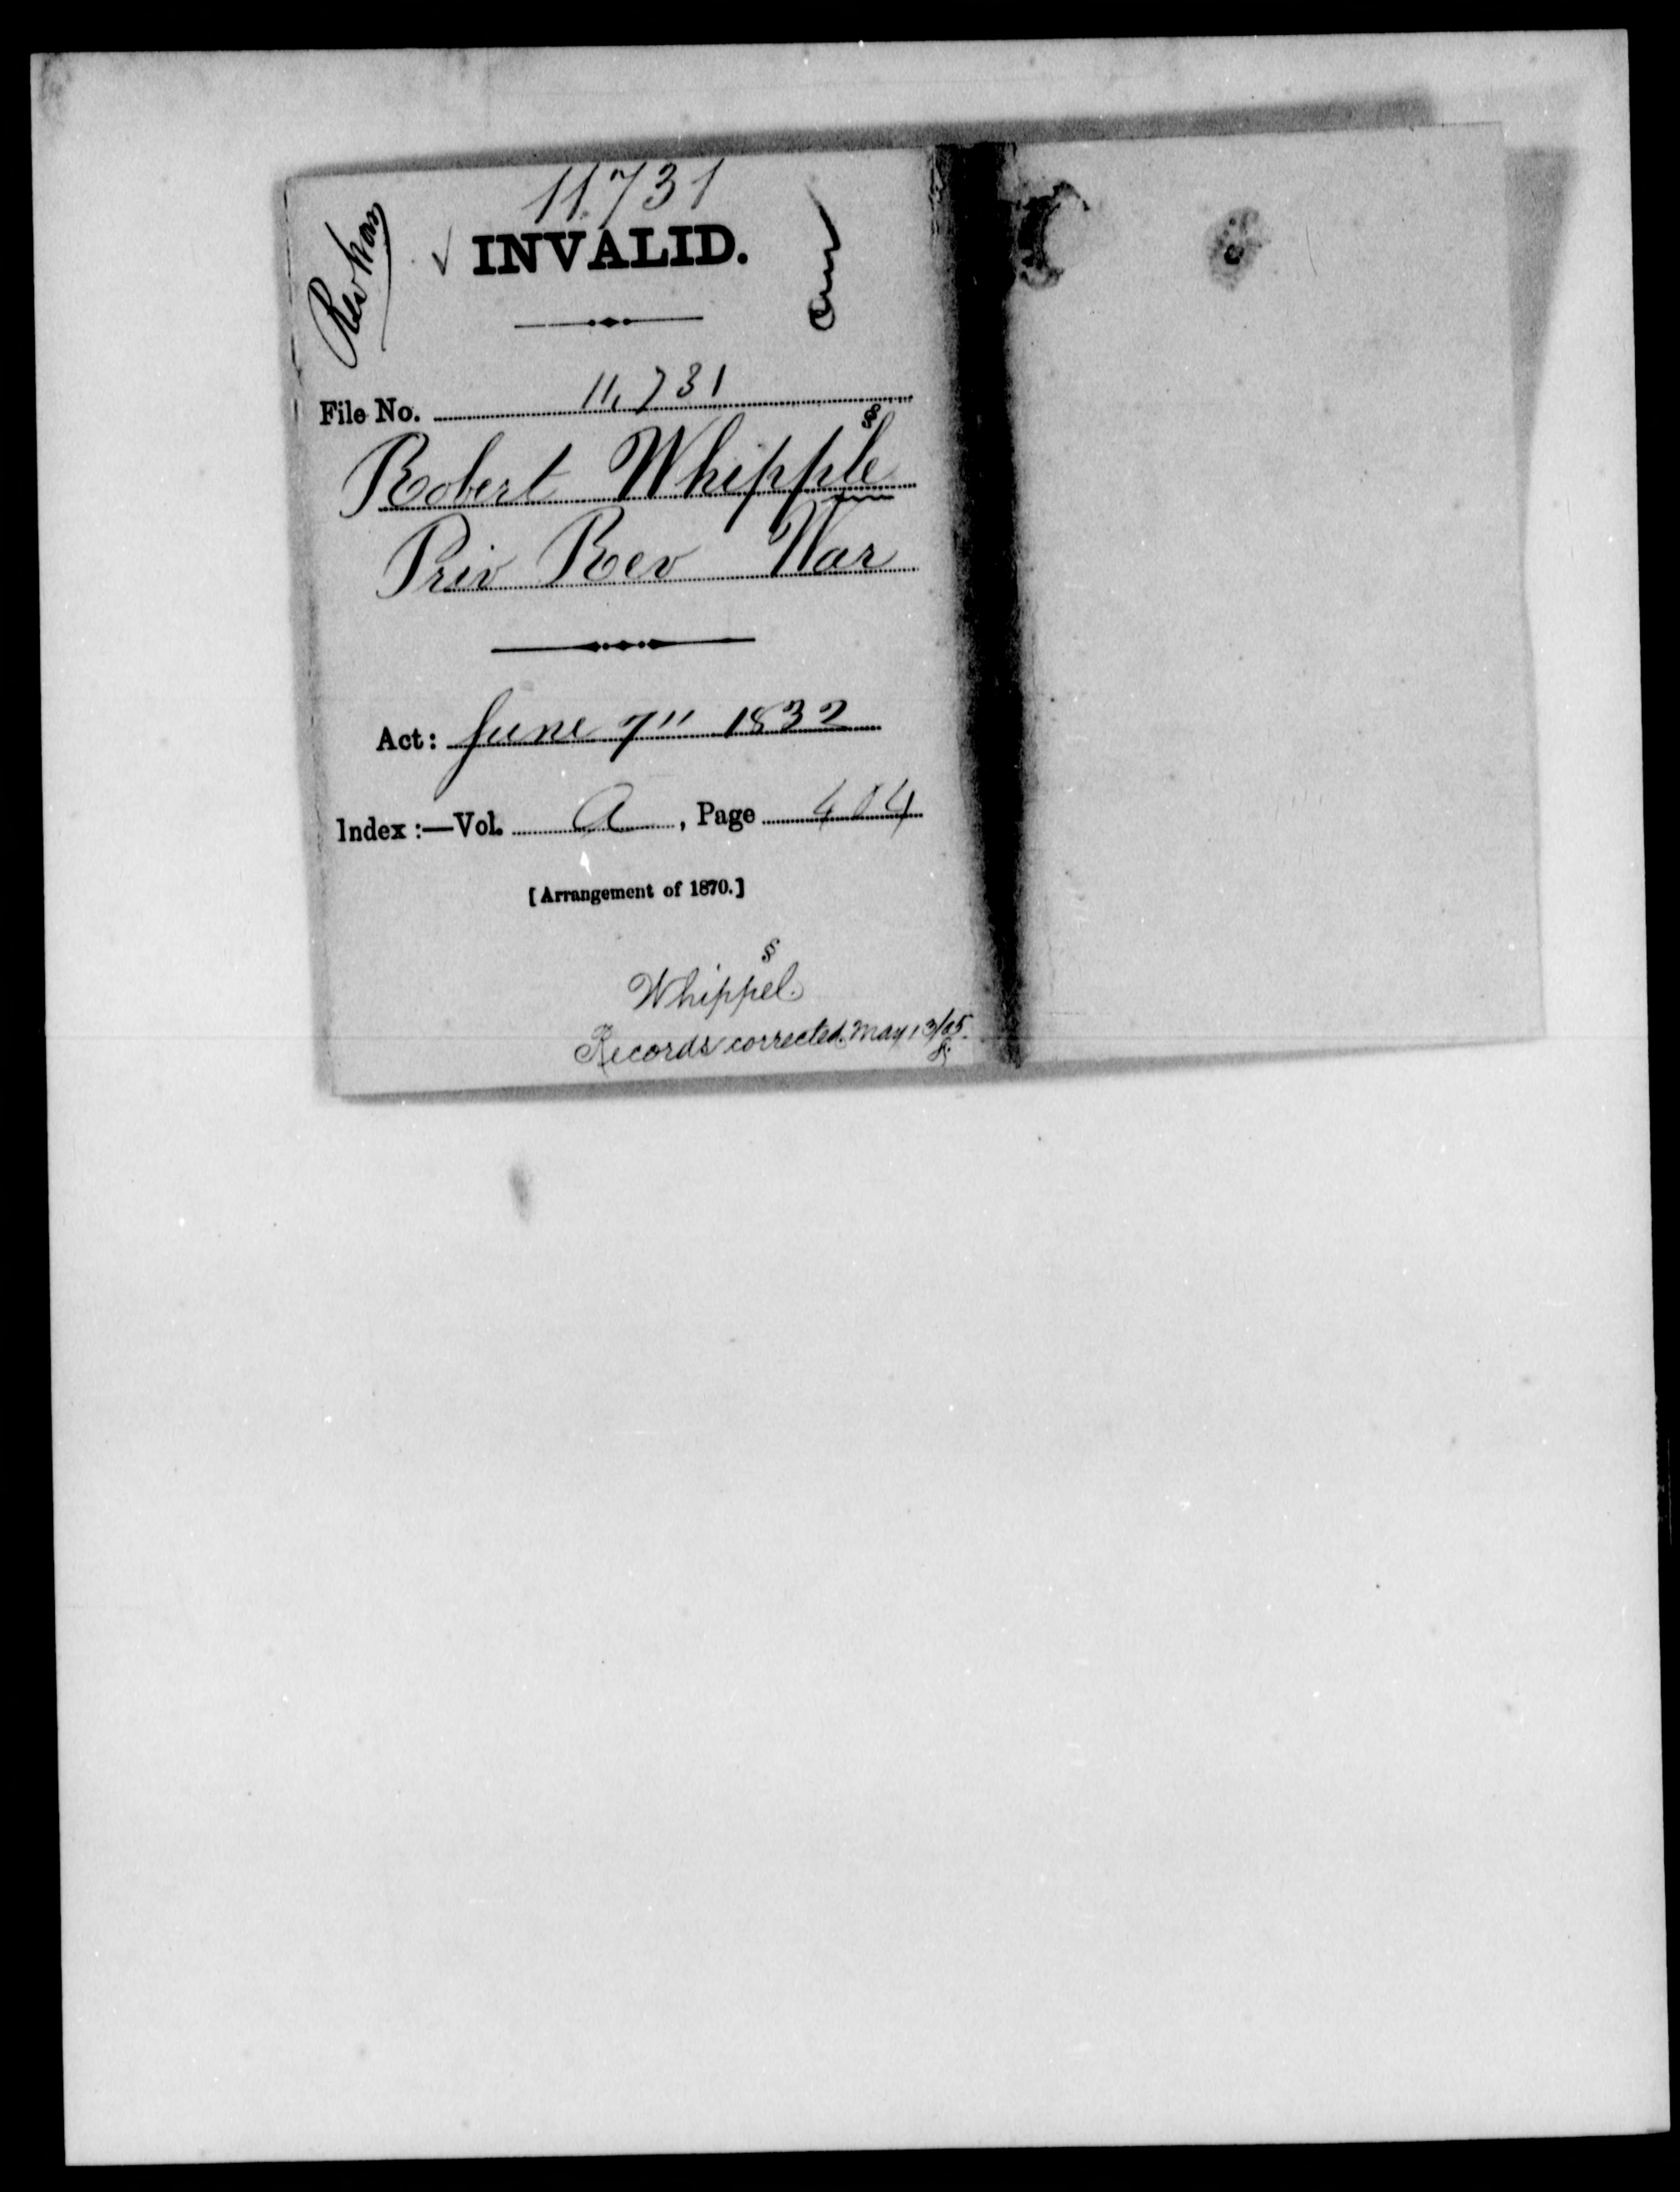11.731

Rev War

INVALID.

awn

File No. 11.731

Robert Whipple
Priv Rev War

Act:  June 7" 1832

Index:--Vol. A, Page 404

[Arrangement of 1870.]


Whippel.
Records corrected May 13/05.
JS.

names: Robert Whipple, Whippel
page: 18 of 18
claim: survivor's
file: S. 11731, Robert Whippel, Continental Mass R. I.